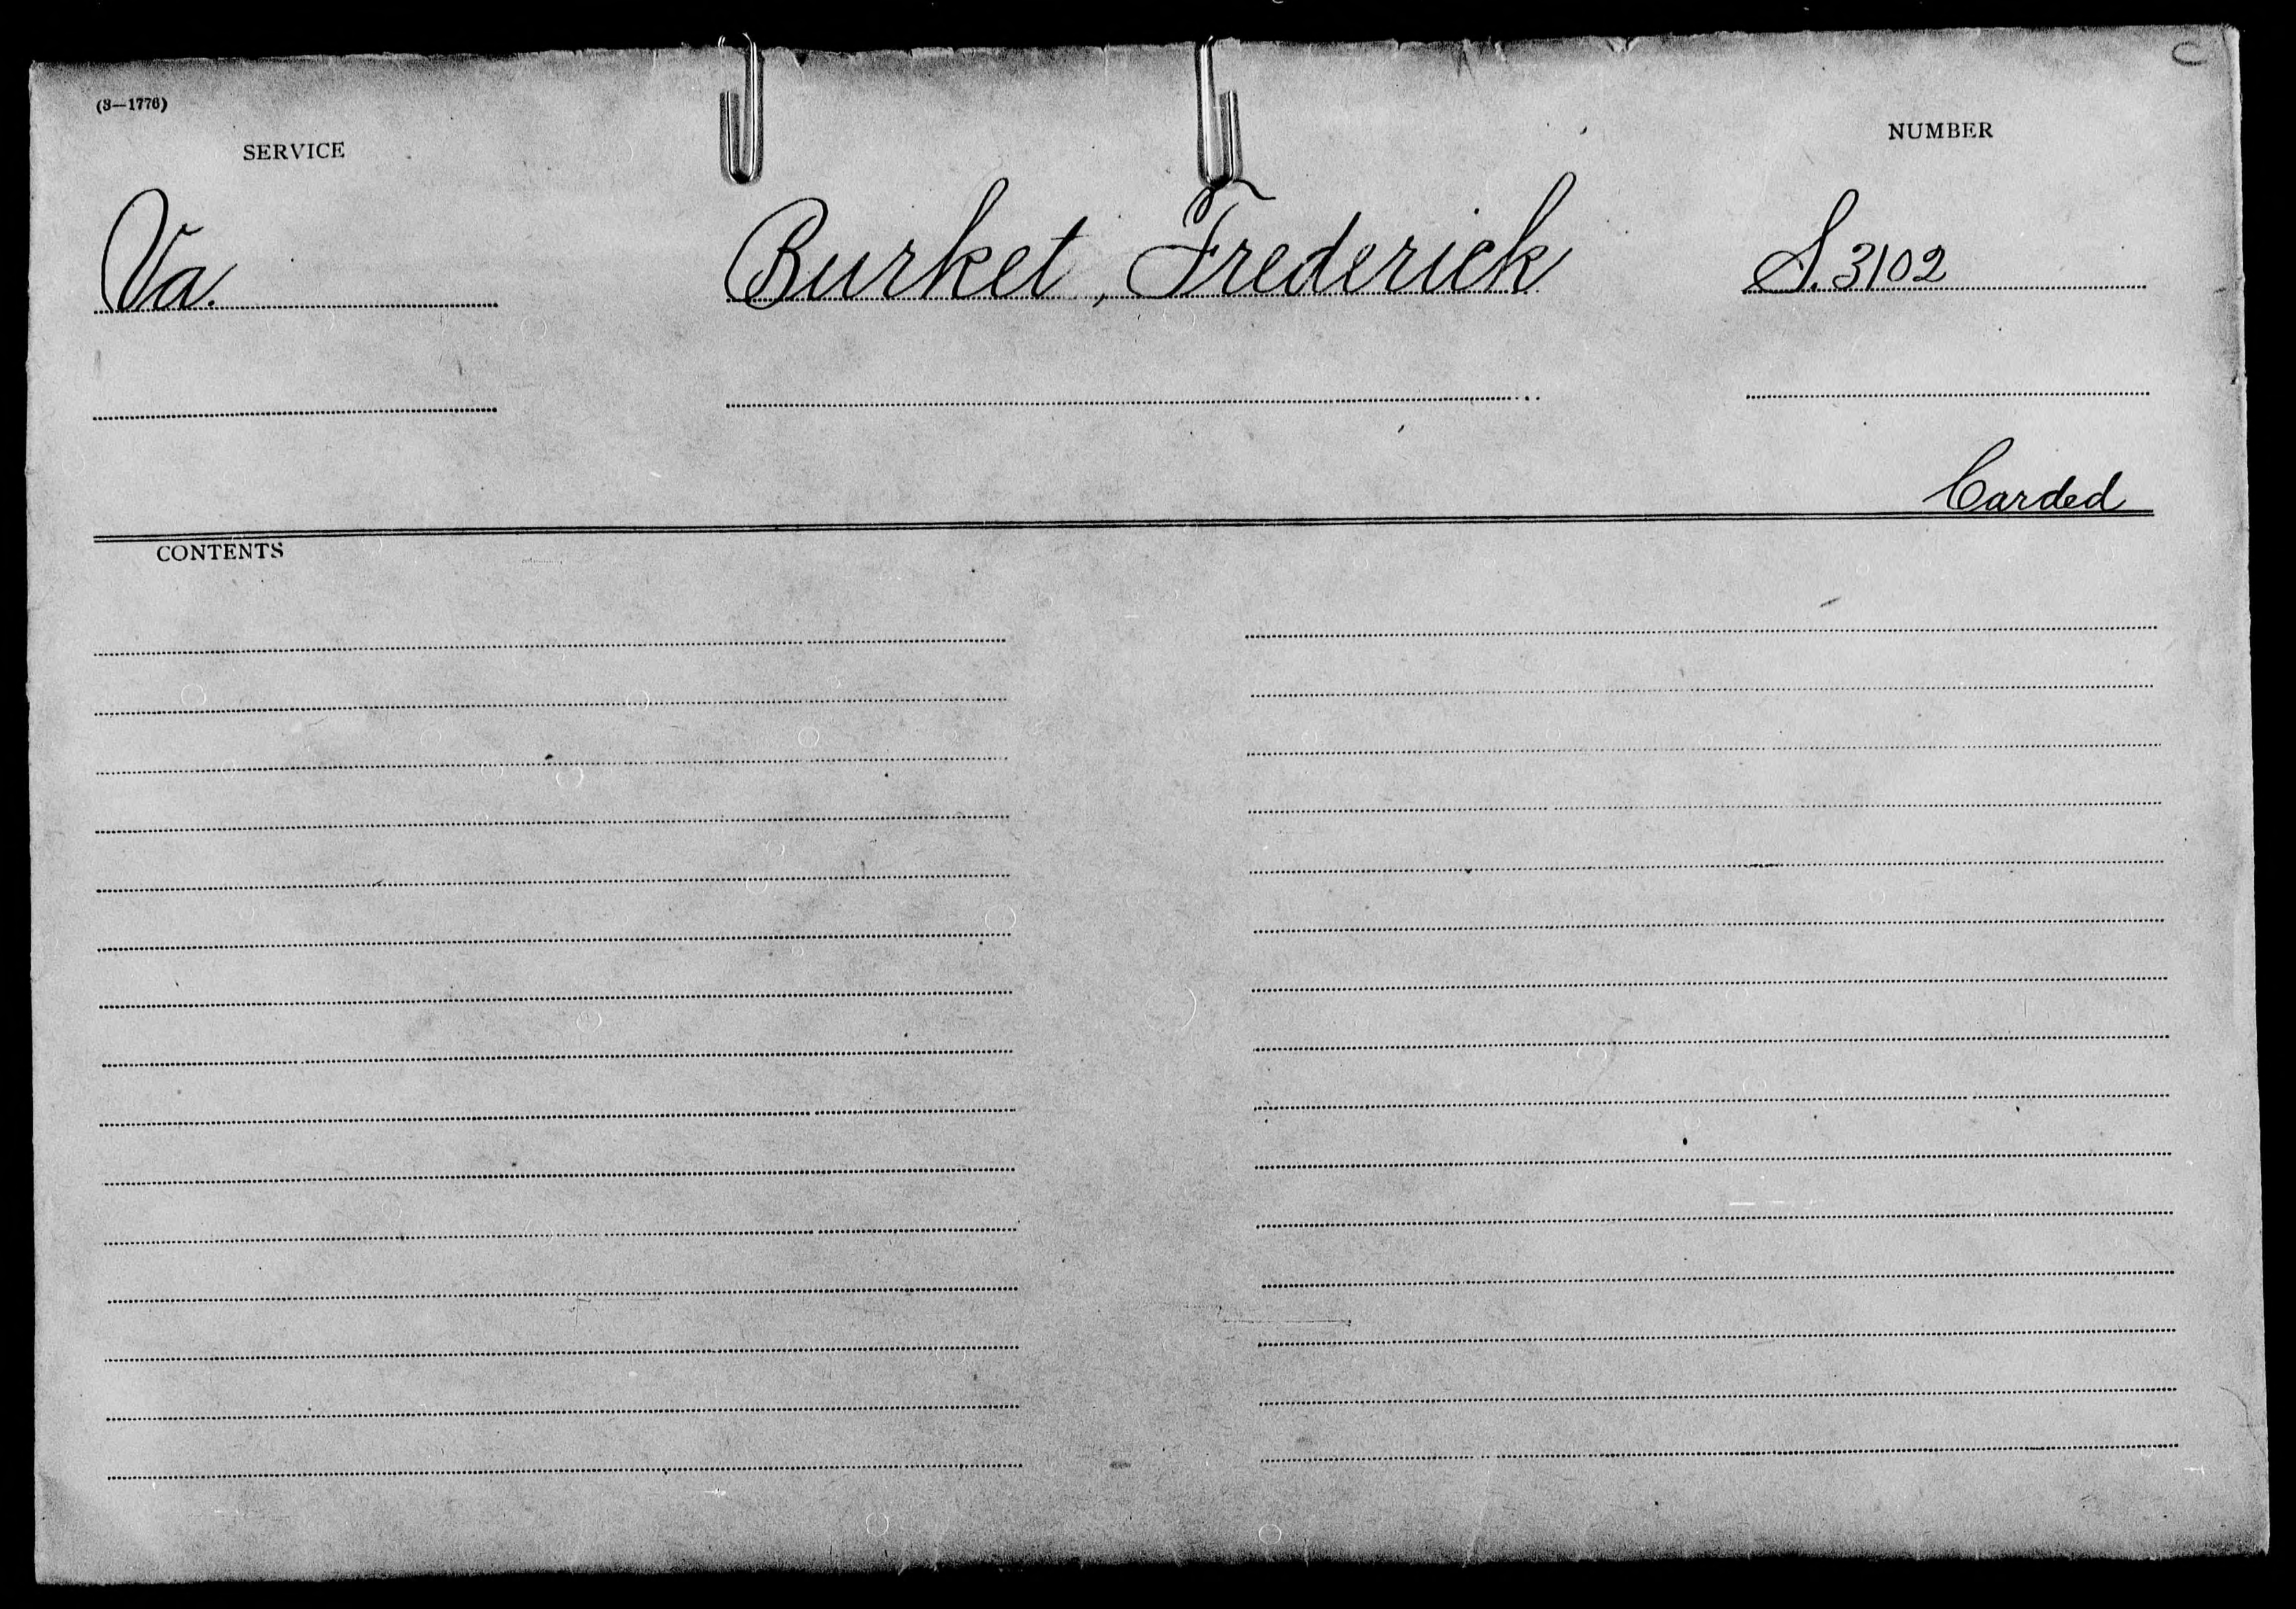C
8-1776
SERVICE
VA.

Burket, Frederick

NUMBER 
S. 3102

Carded

CONTENTS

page: 1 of 47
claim: survivor's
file: S. 3102, Frederick Burket, Va.